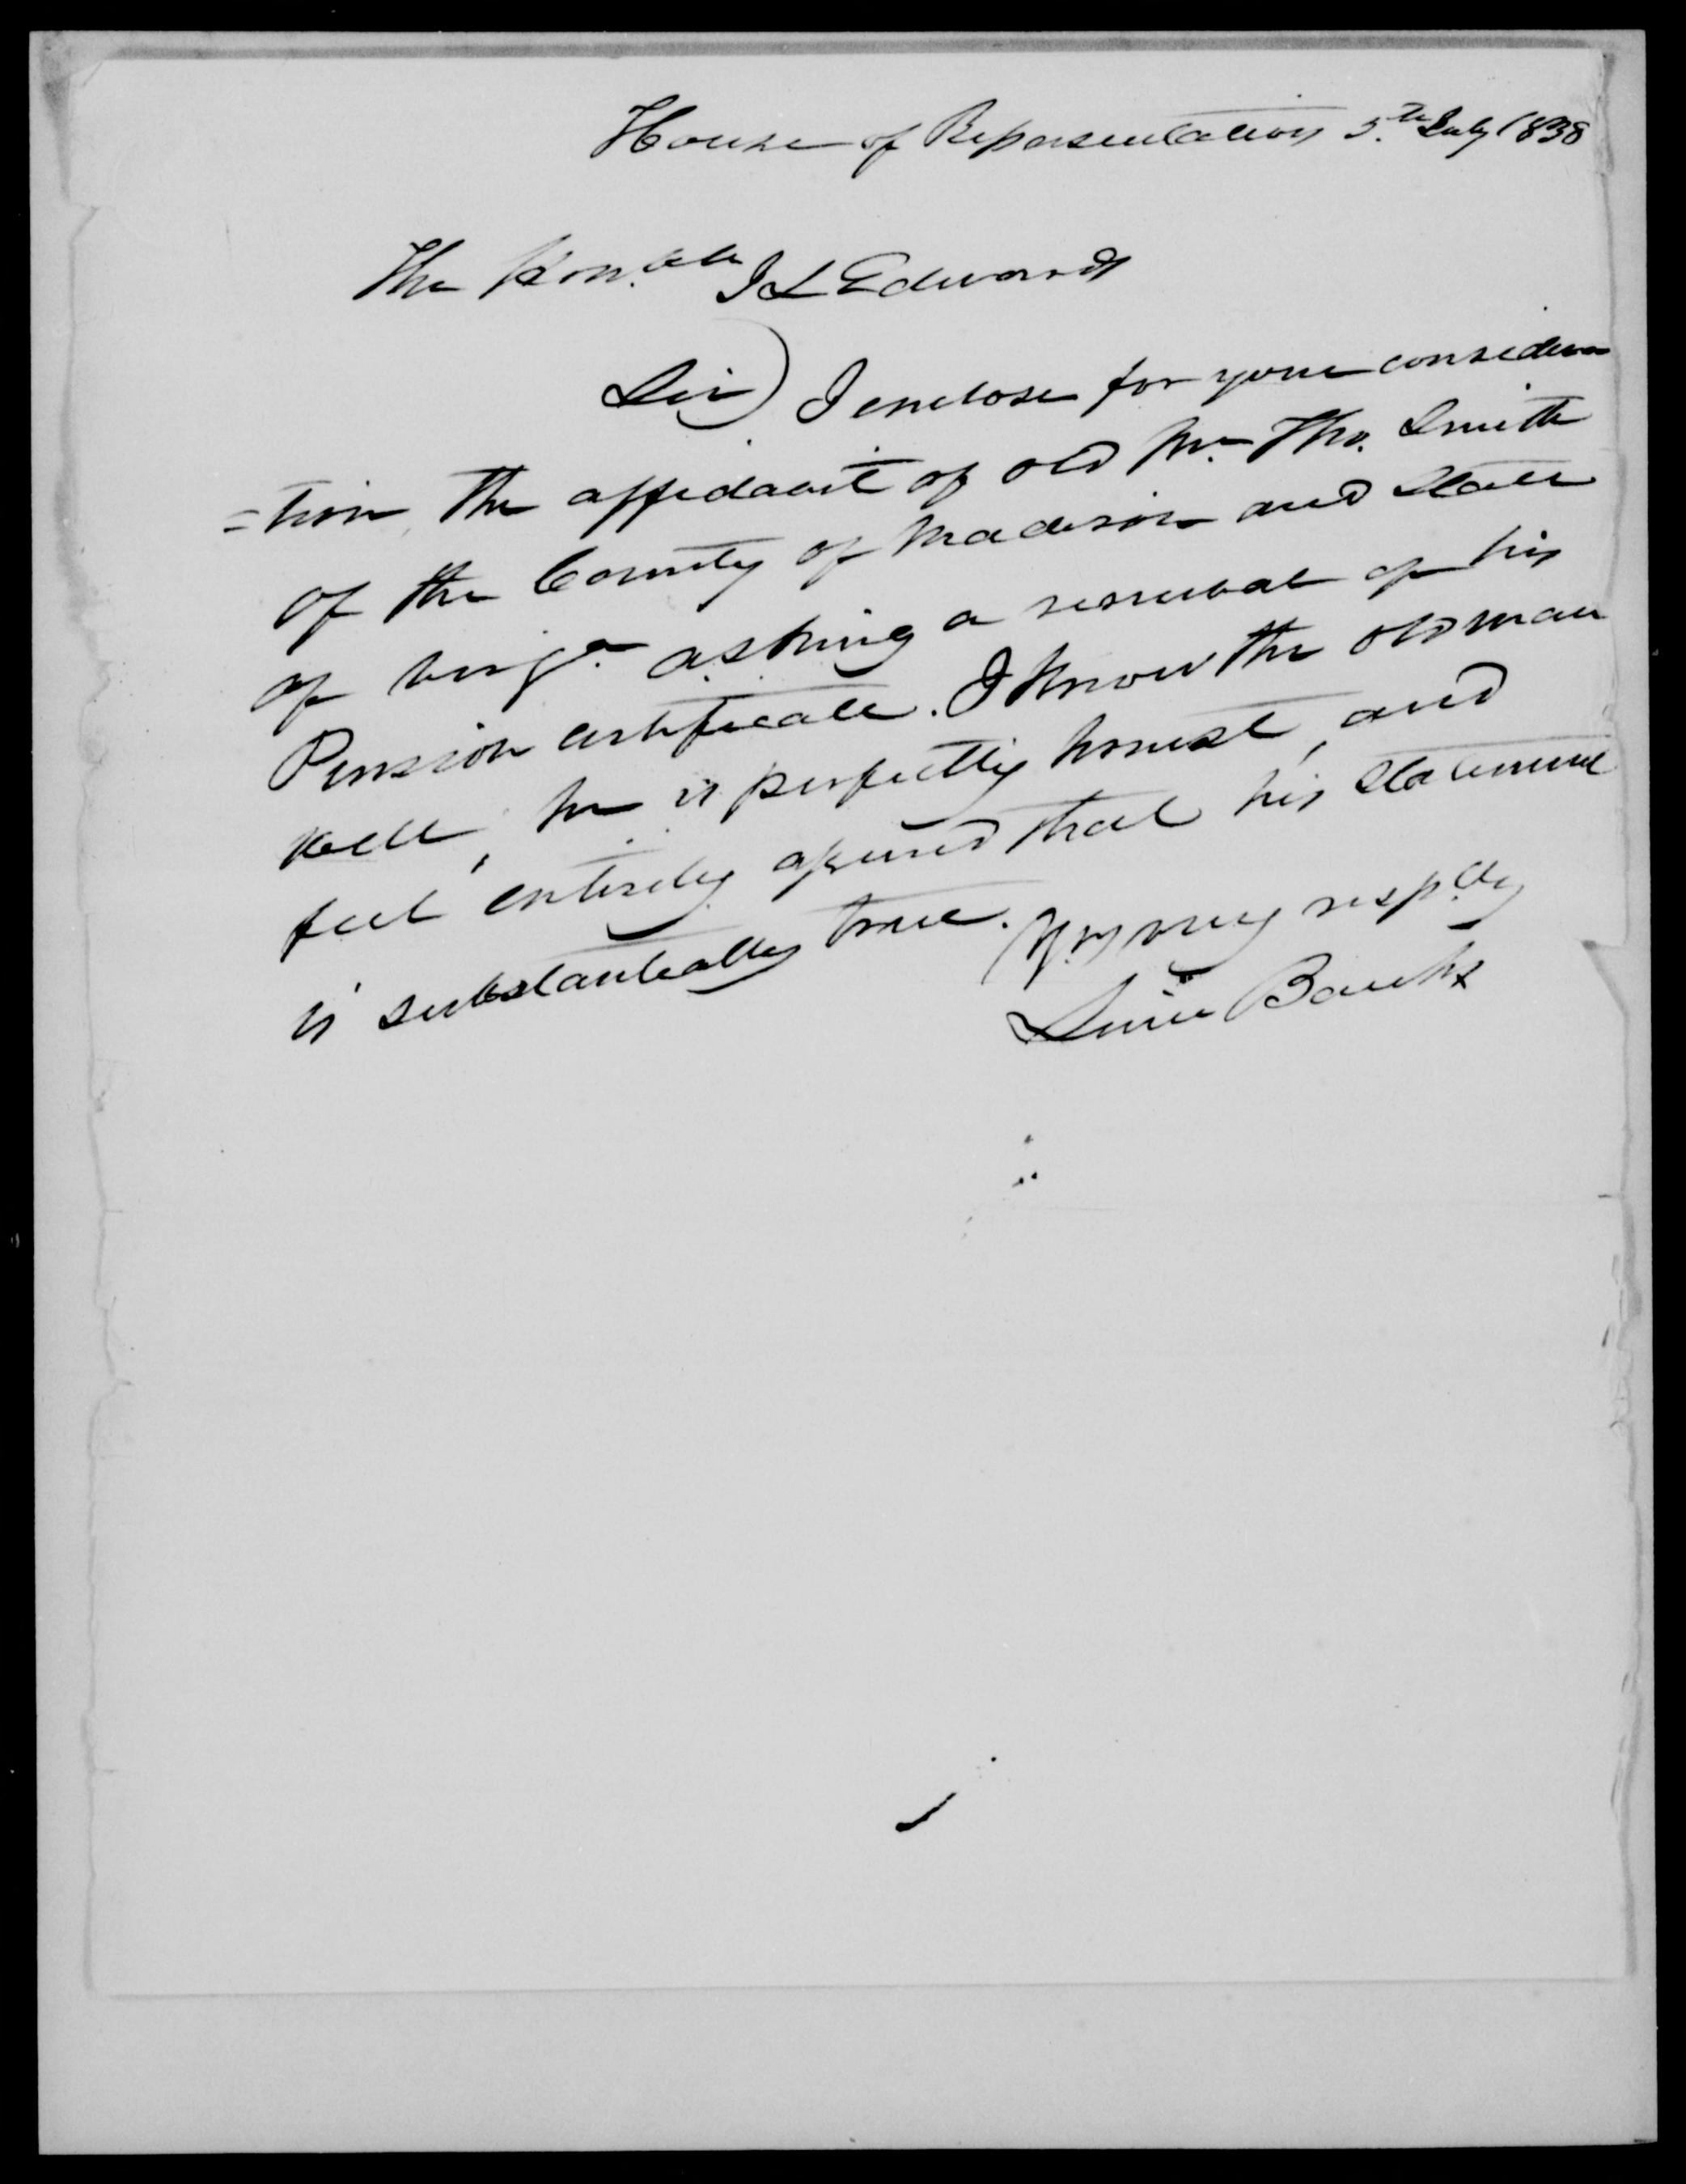House of Representation 5th July 1838
The Honorable JL Edwards
Sir, I enclose for your consideration the affidavit of old Mr Tho. Smith of the County of Madison and State of Virginia. asking a  (ineligible) of his pension certificate. I know the old well he is perfectly honest and feel entirely opened that his statement is substantially true.
Yours respectfully,
Linn Banks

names: Tho Smith; J L Edwards; Linn Banks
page: 14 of 23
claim: survivor's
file: S. 6,125, for Thomas Smith, Virginia